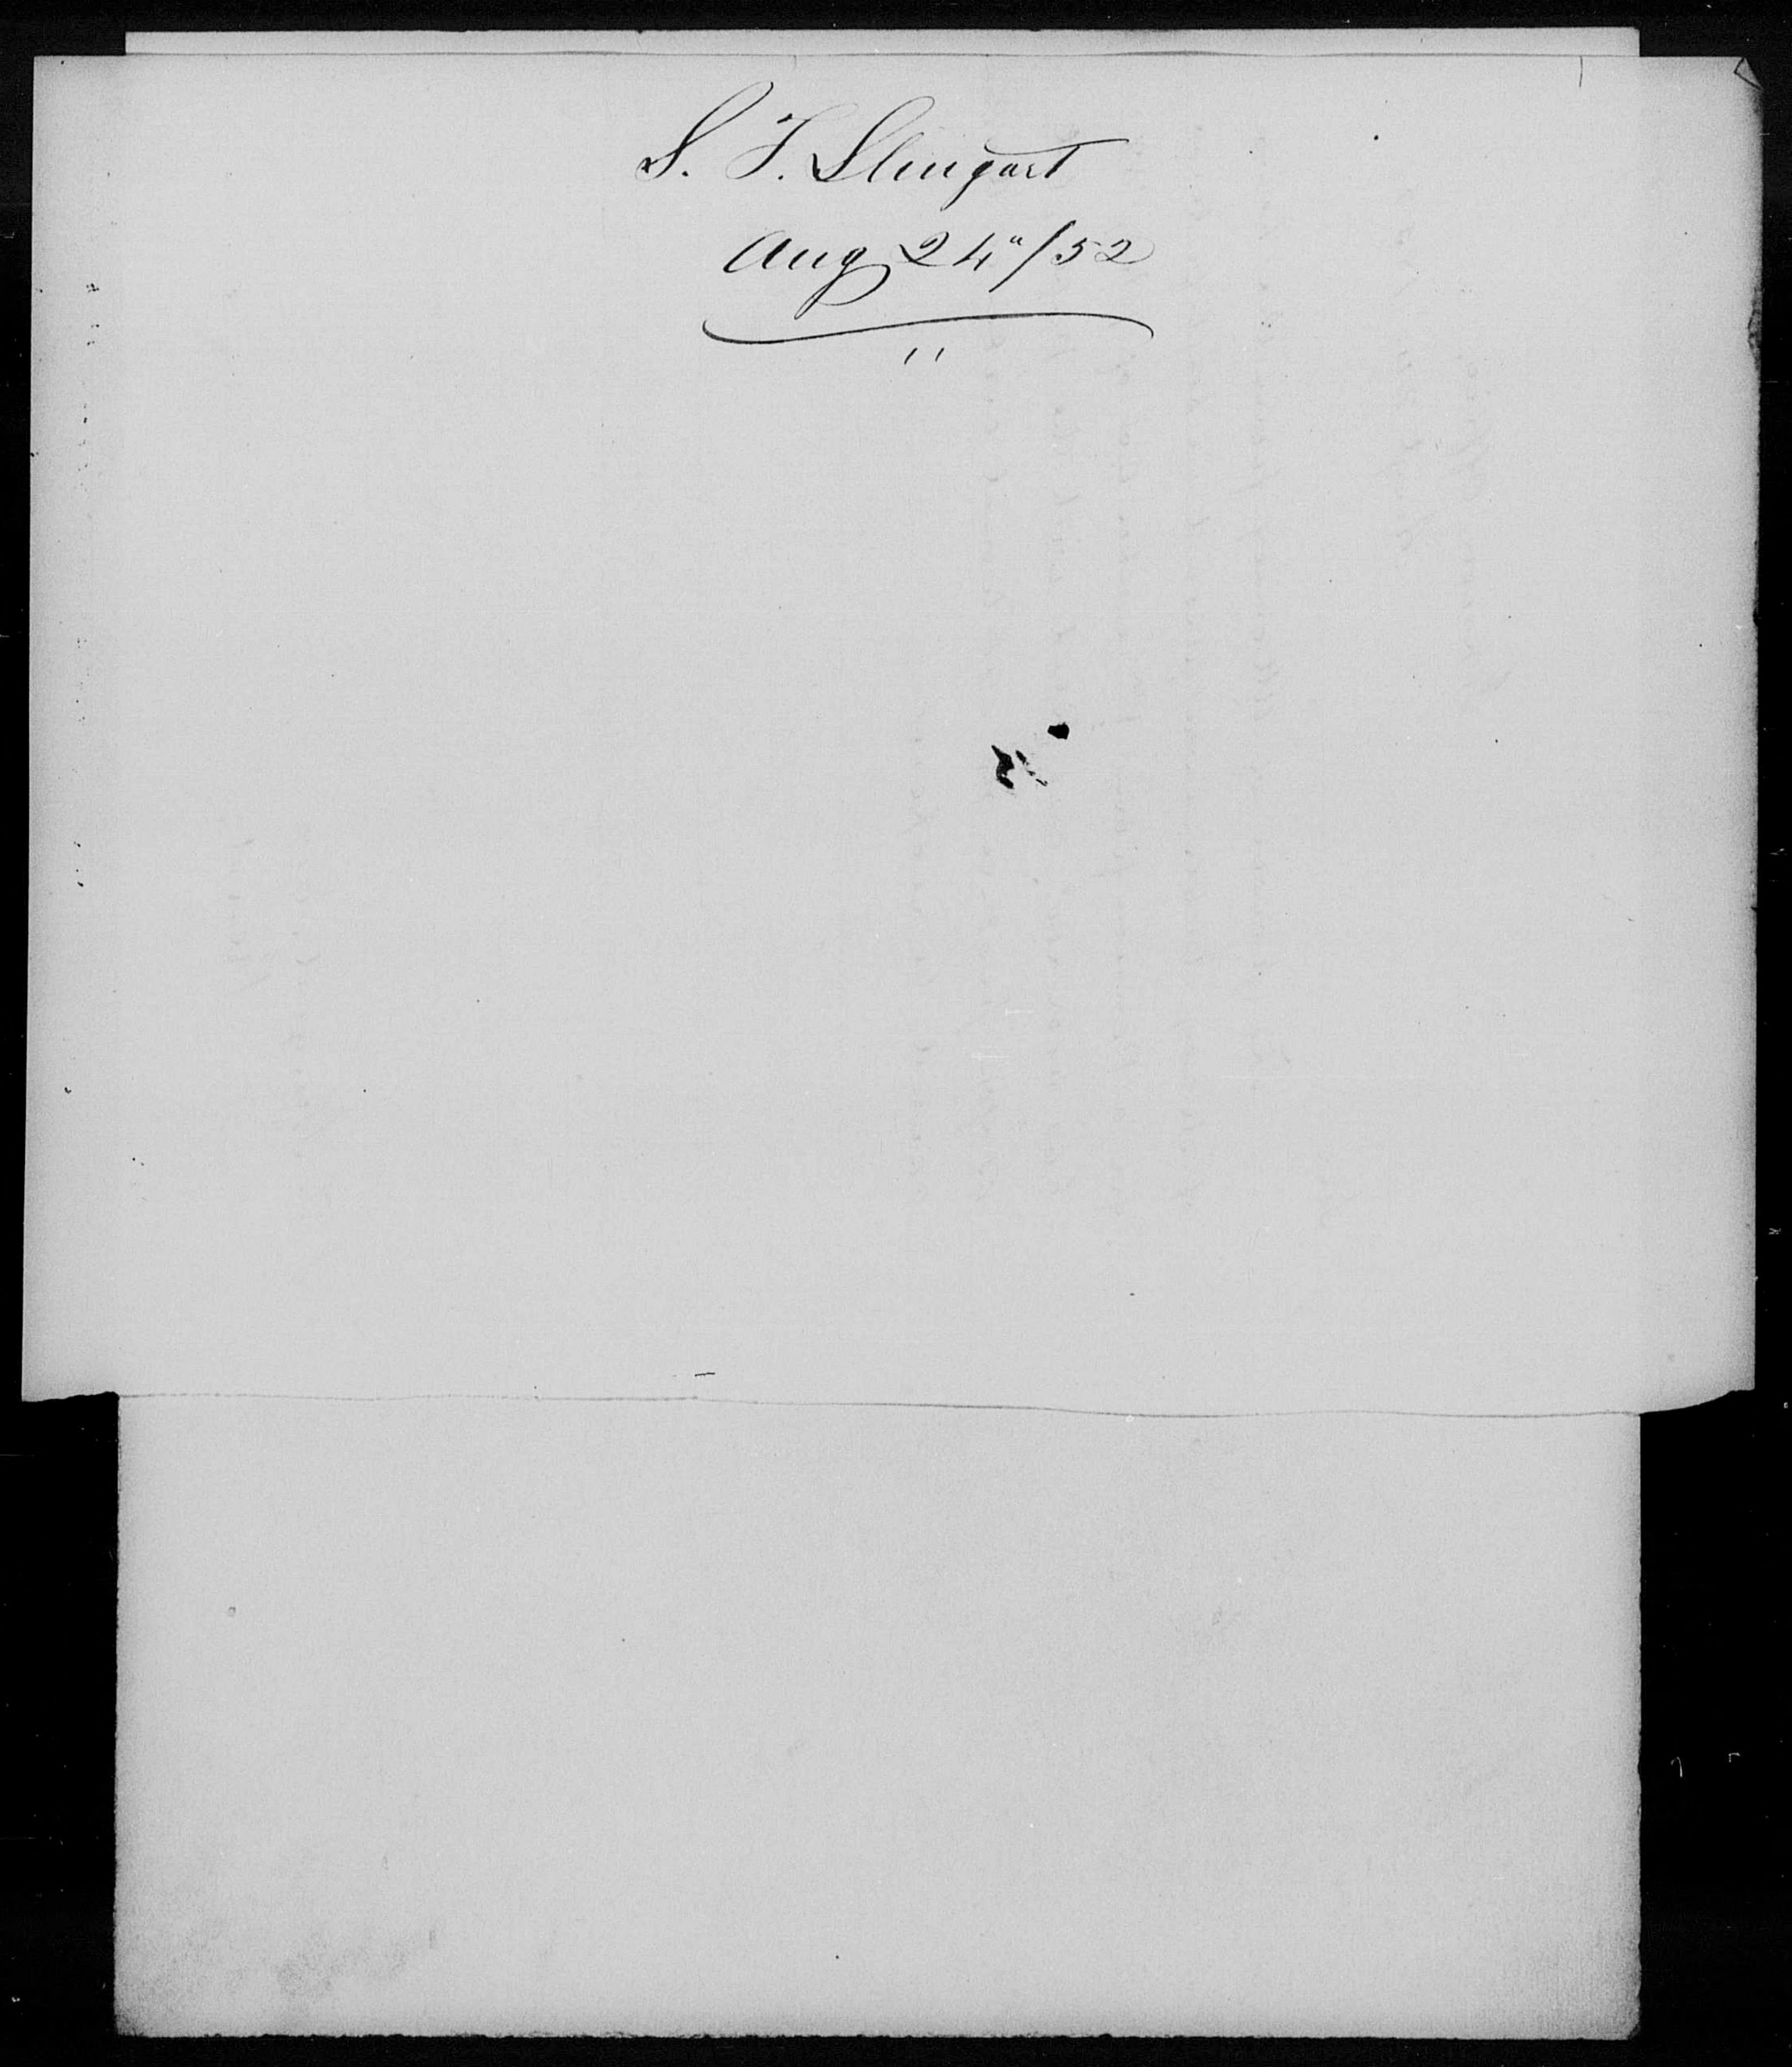S.T. Shugart
Aug 24/52

Squiggle line underneath with “ under the line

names: S T Shugart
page: 40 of 80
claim: widow's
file: W. 24117, John Elder, Penn.